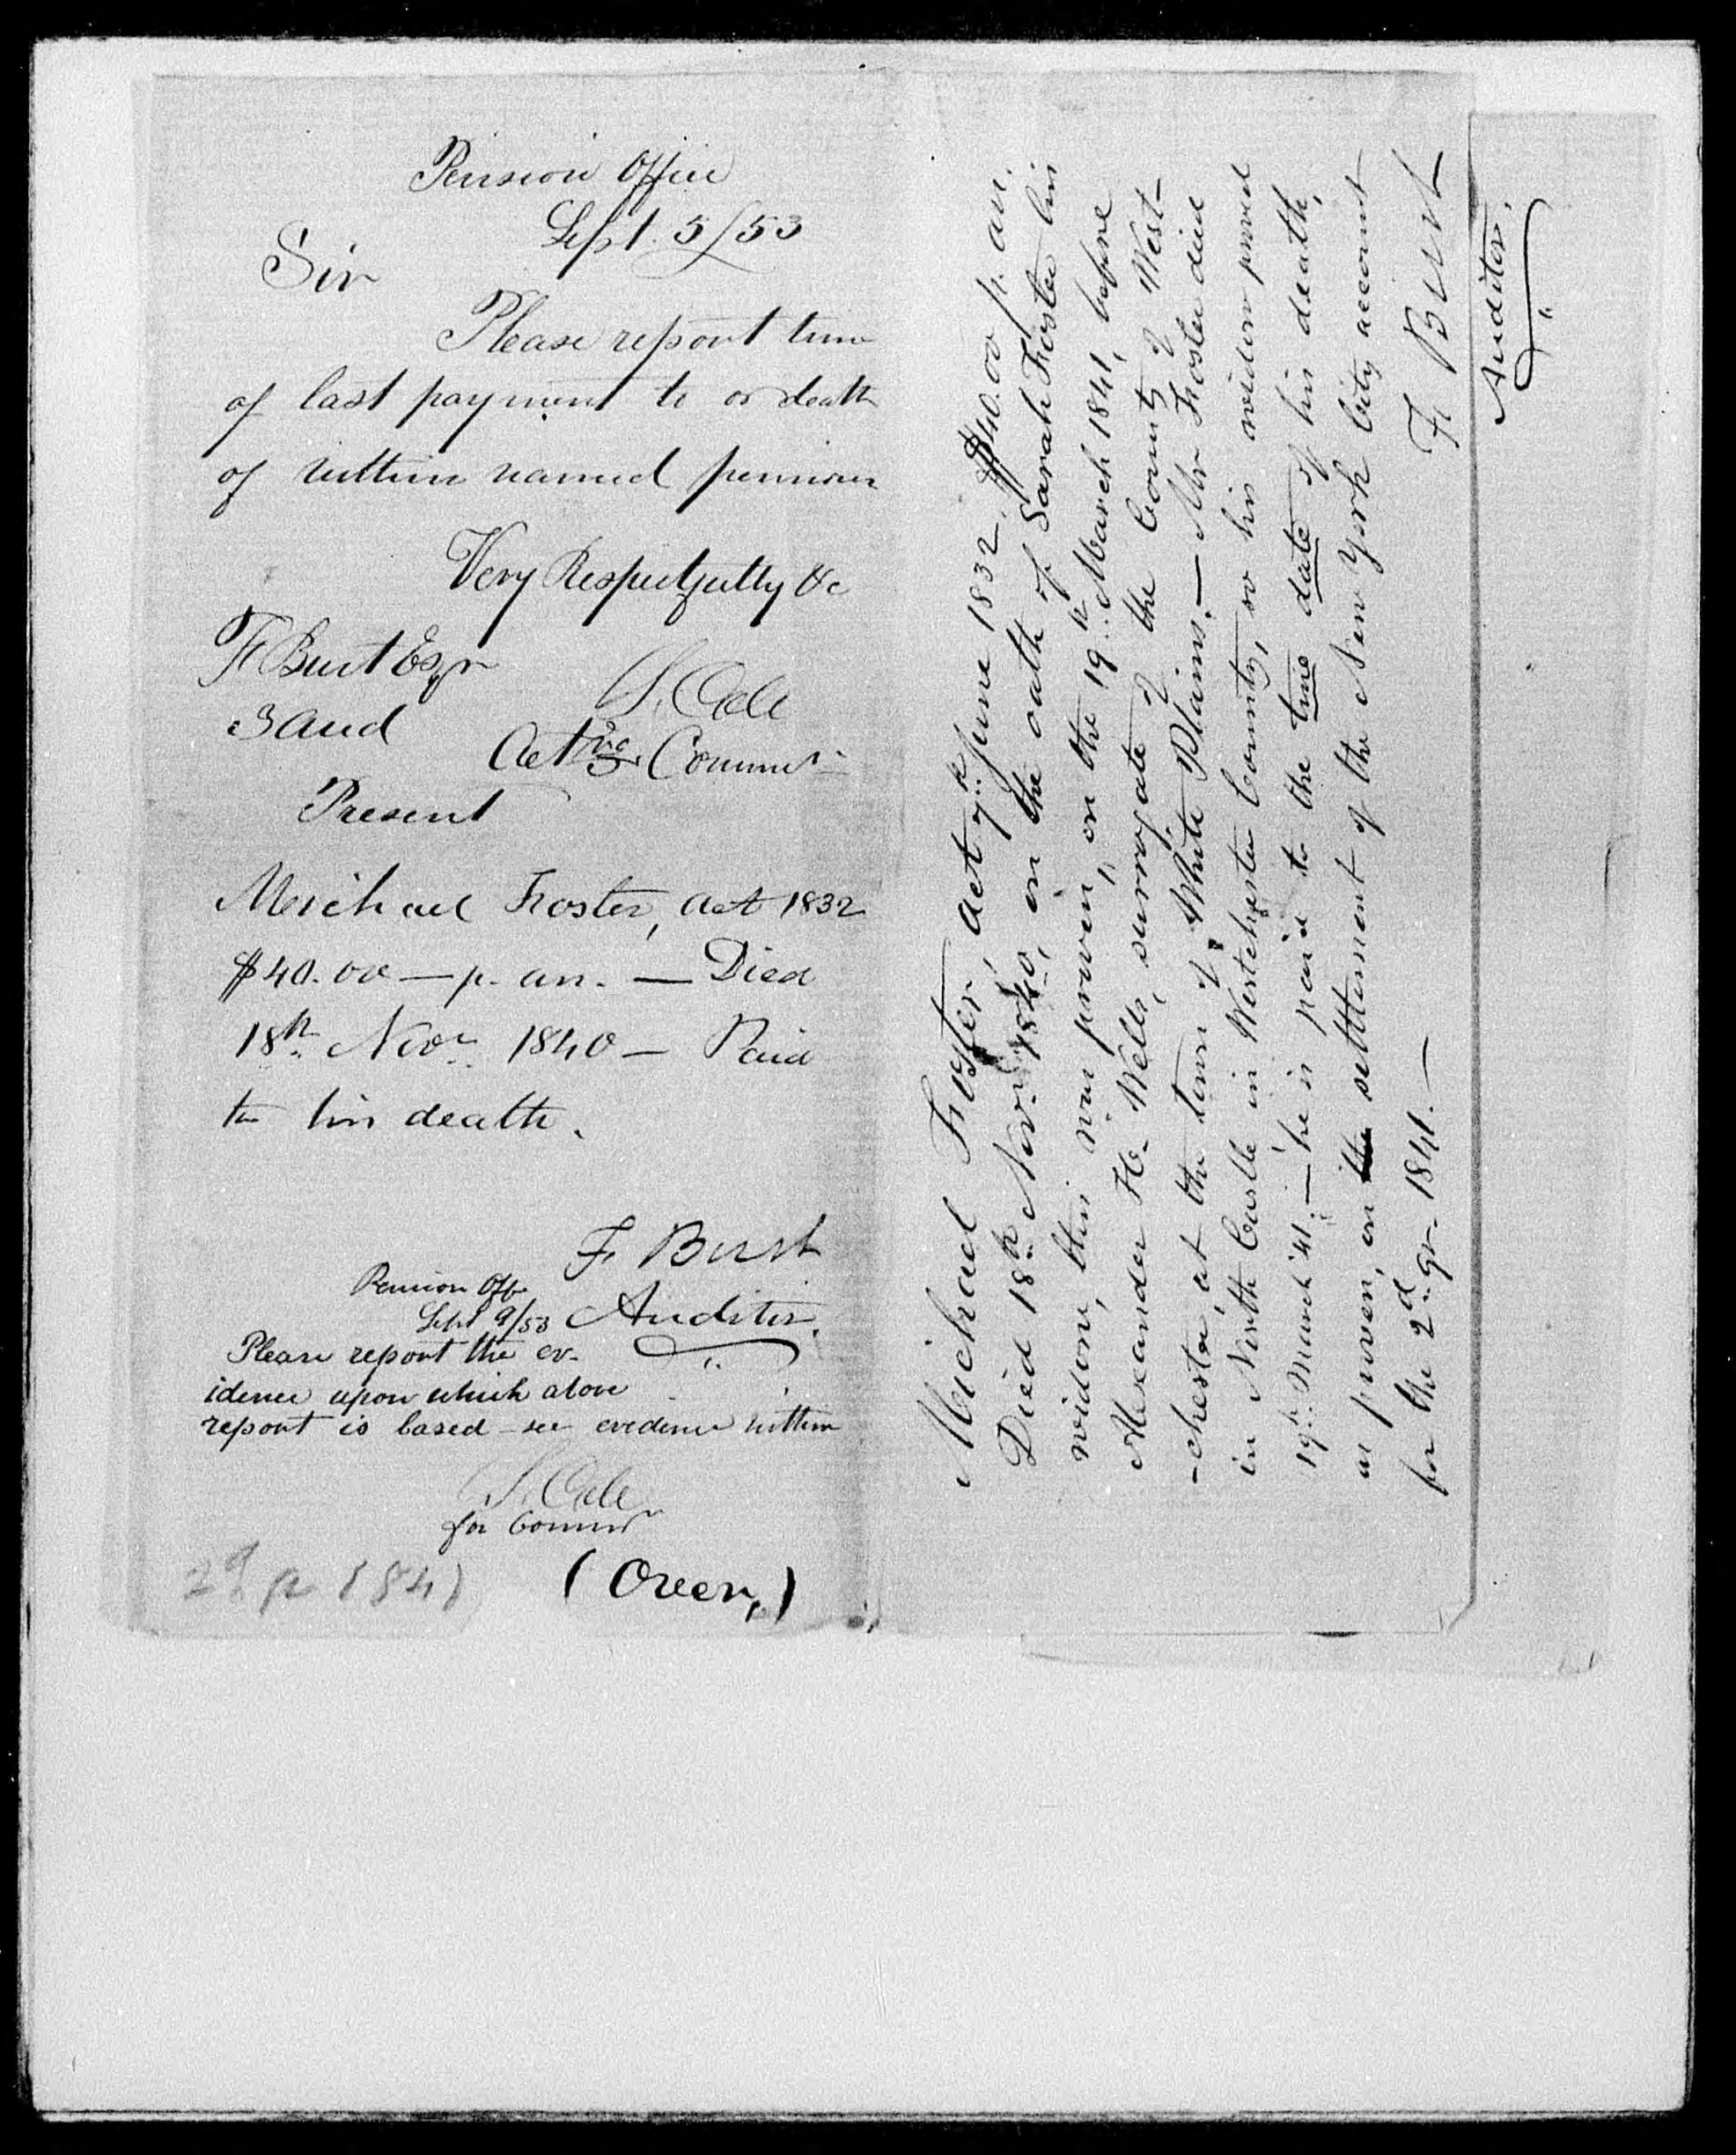(folded document with two sides)
Left side

Pension Office
Sept 5/53

Sir
Please report time of last payment to or death of within named pensioner.

Very Respectfully &c
F. Burt Esq.
Aud.
S. Cole
Acting Comm.
Present

Michael Foster, Act 1832
$40.00--p. an.--Died
18th Nov. 1840--Paid to his death

F. Burt
Auditor
Pension off.
Sept 9/53
Please report this evidence upon which above report is based-see evidence within
S. Cole
for Comm.

29 ?? 1841. (over)

right side written bottom to top

Michael Foster Act of 7th June 1832 $40.00 pr. an. Died 18th Nov. 1840, on the oath of Sarah Foster, his widow, this was proven, on the 19th March 1841, before Alexander H. Wells, surrogate of the Court of Westchester at the town of White Plains--Mr. Foster died in North Castle in Westchester County, so his widow proved 19th March '41--he is paid to the time date of his death, as proven on settlement of the New York City account for the 2d gr. 1841.
F. Burt
Auditor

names: F Burt, Michael Foster, F Burt, Foster, S Cole, F Burt, Michael Foster, S Cole, Alexander H Wells, Sarah Foster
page: 43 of 57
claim: widow's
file: W. 5275 1/2, Michael Foster, Penn.